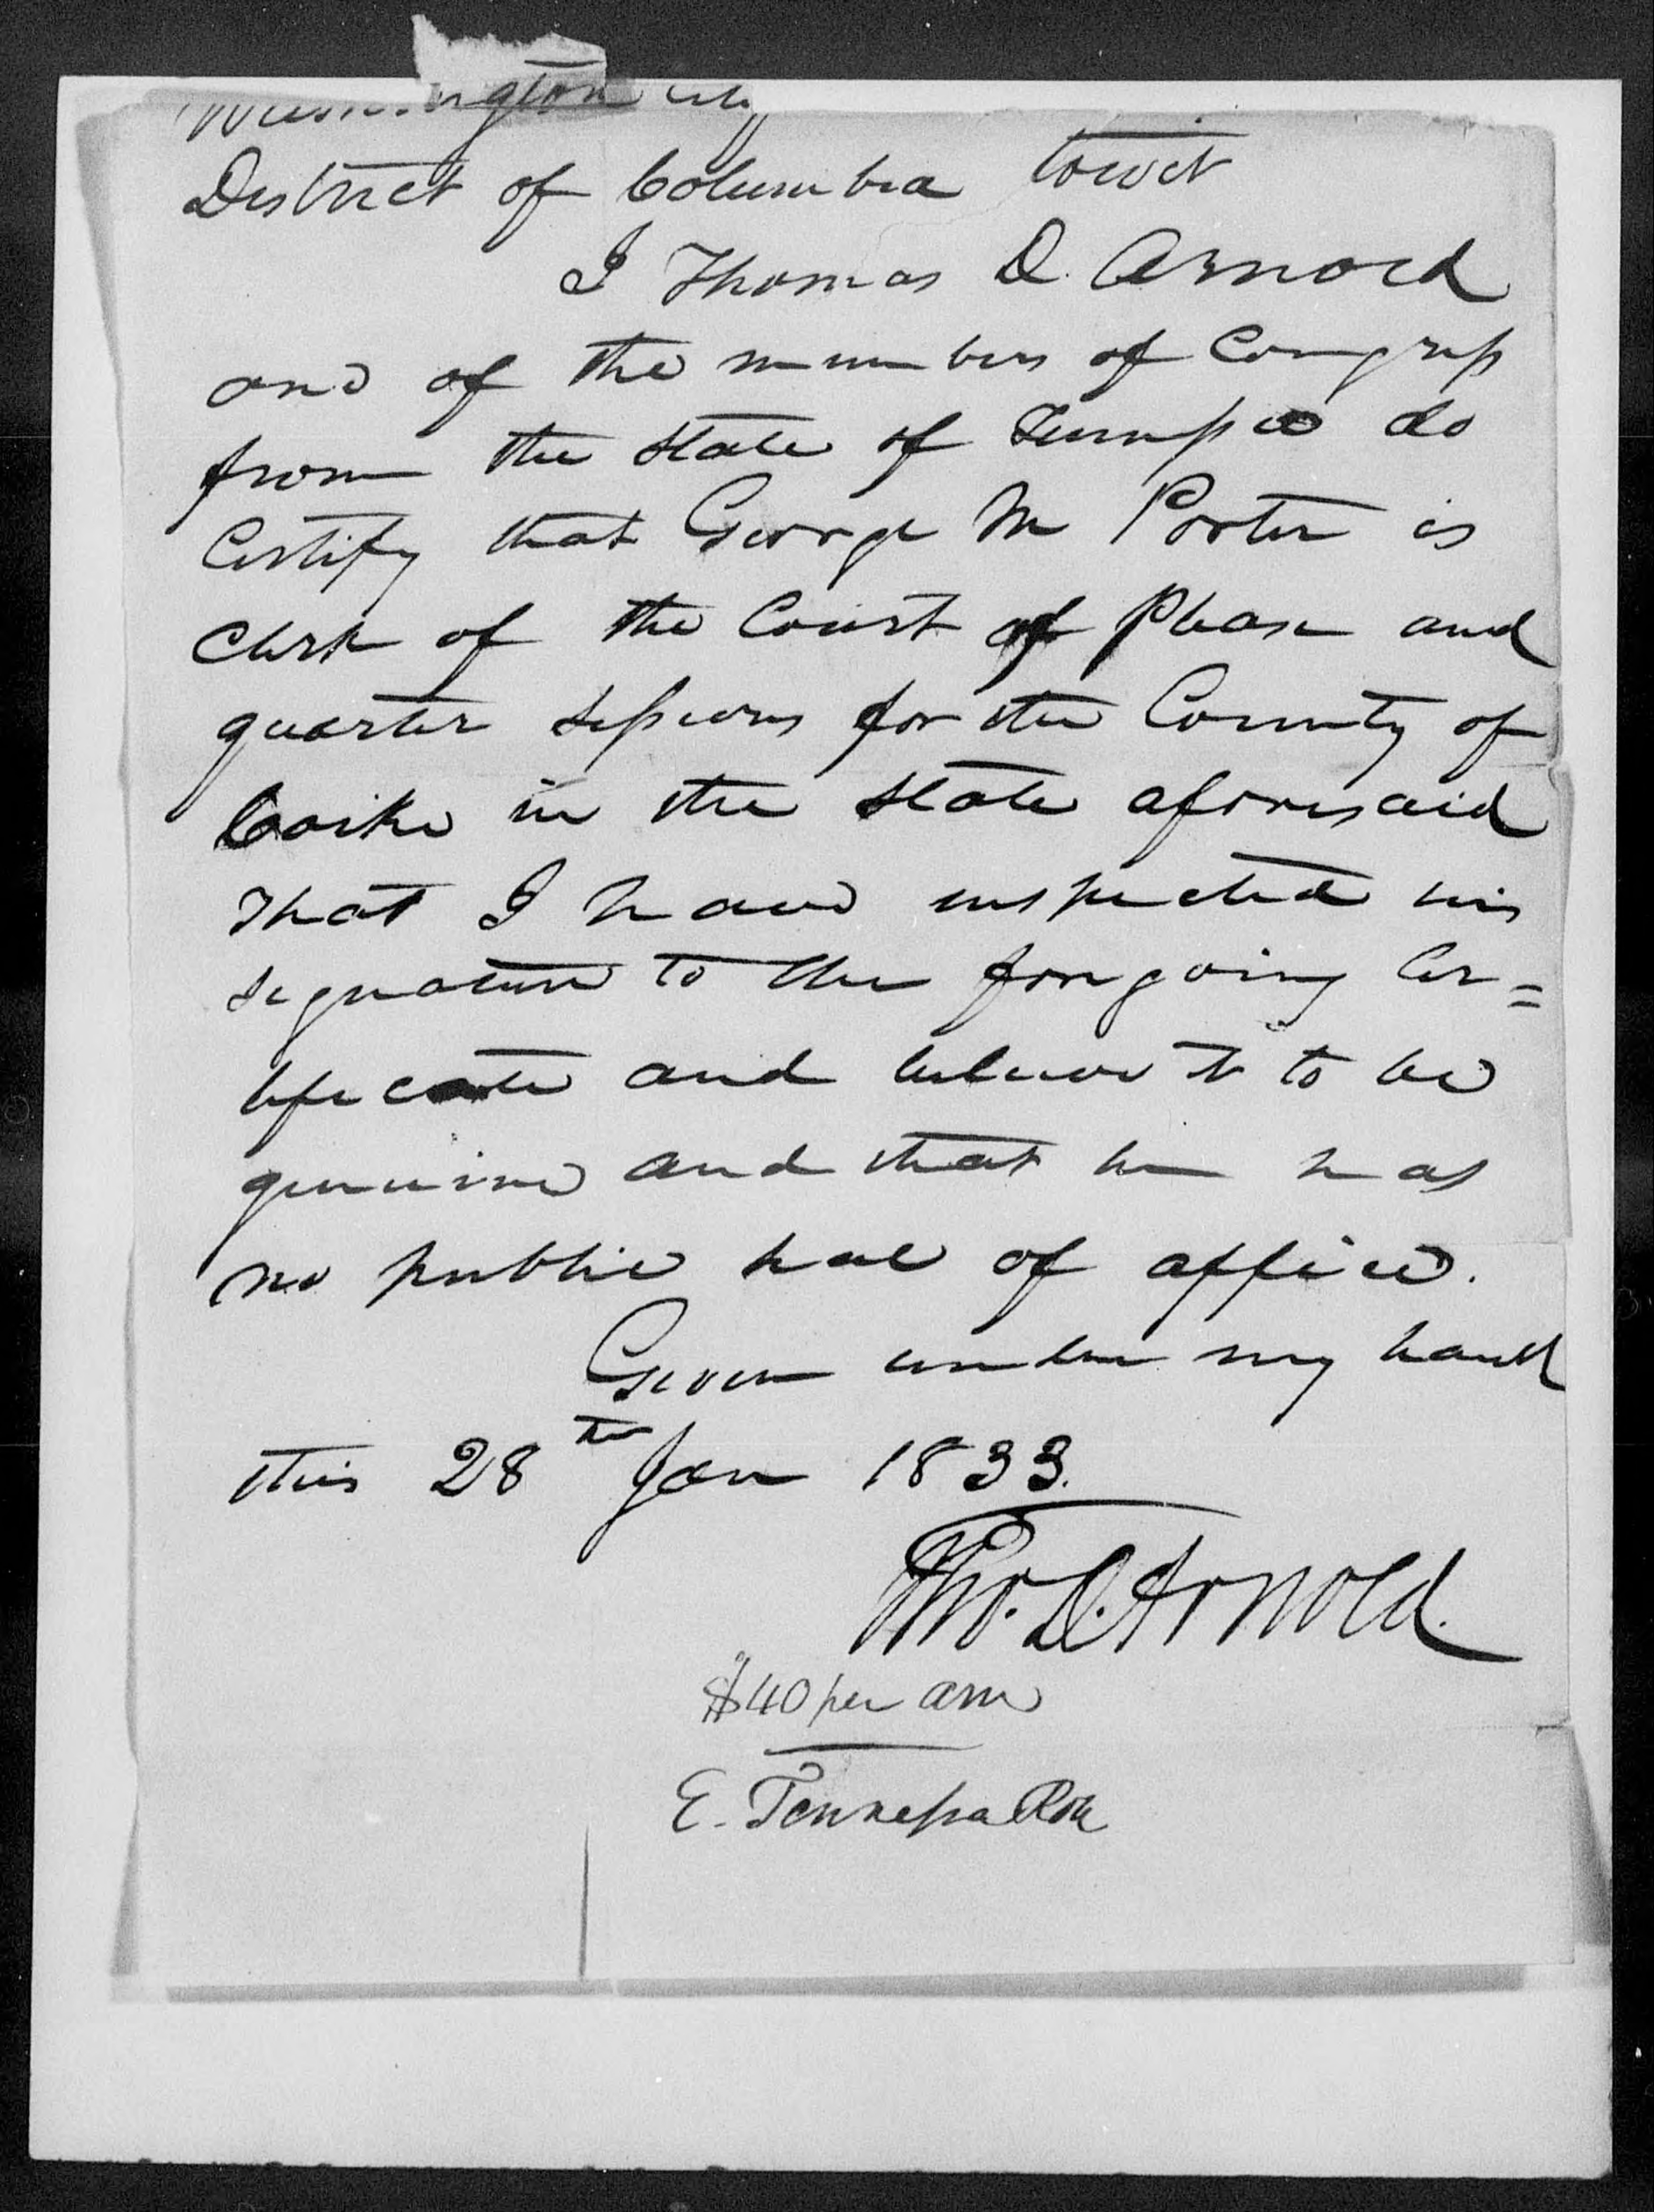Washington City
District of Columbia  to wit

I Thomas D Arnold one of the members of Congress from the State of Tennessee do Certify that George M Porter is Clerk of the Court of Pleas and quarter Sessions For the County of Cocke In the State aforesaid That I have inspected his deposition to the foregoing certificate and believe it to be genuine and that he has no public seal of office.

Given under my hand this 28th Jan 1833
Tho. D. Arnold
$40 per am
E. Tonnessa/Tennessee Prth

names: Tho D Arnold, George M Porter, Thomas D Arnold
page: 14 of 42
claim: survivor's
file: S. 31,595, John Carmickele, Penn.